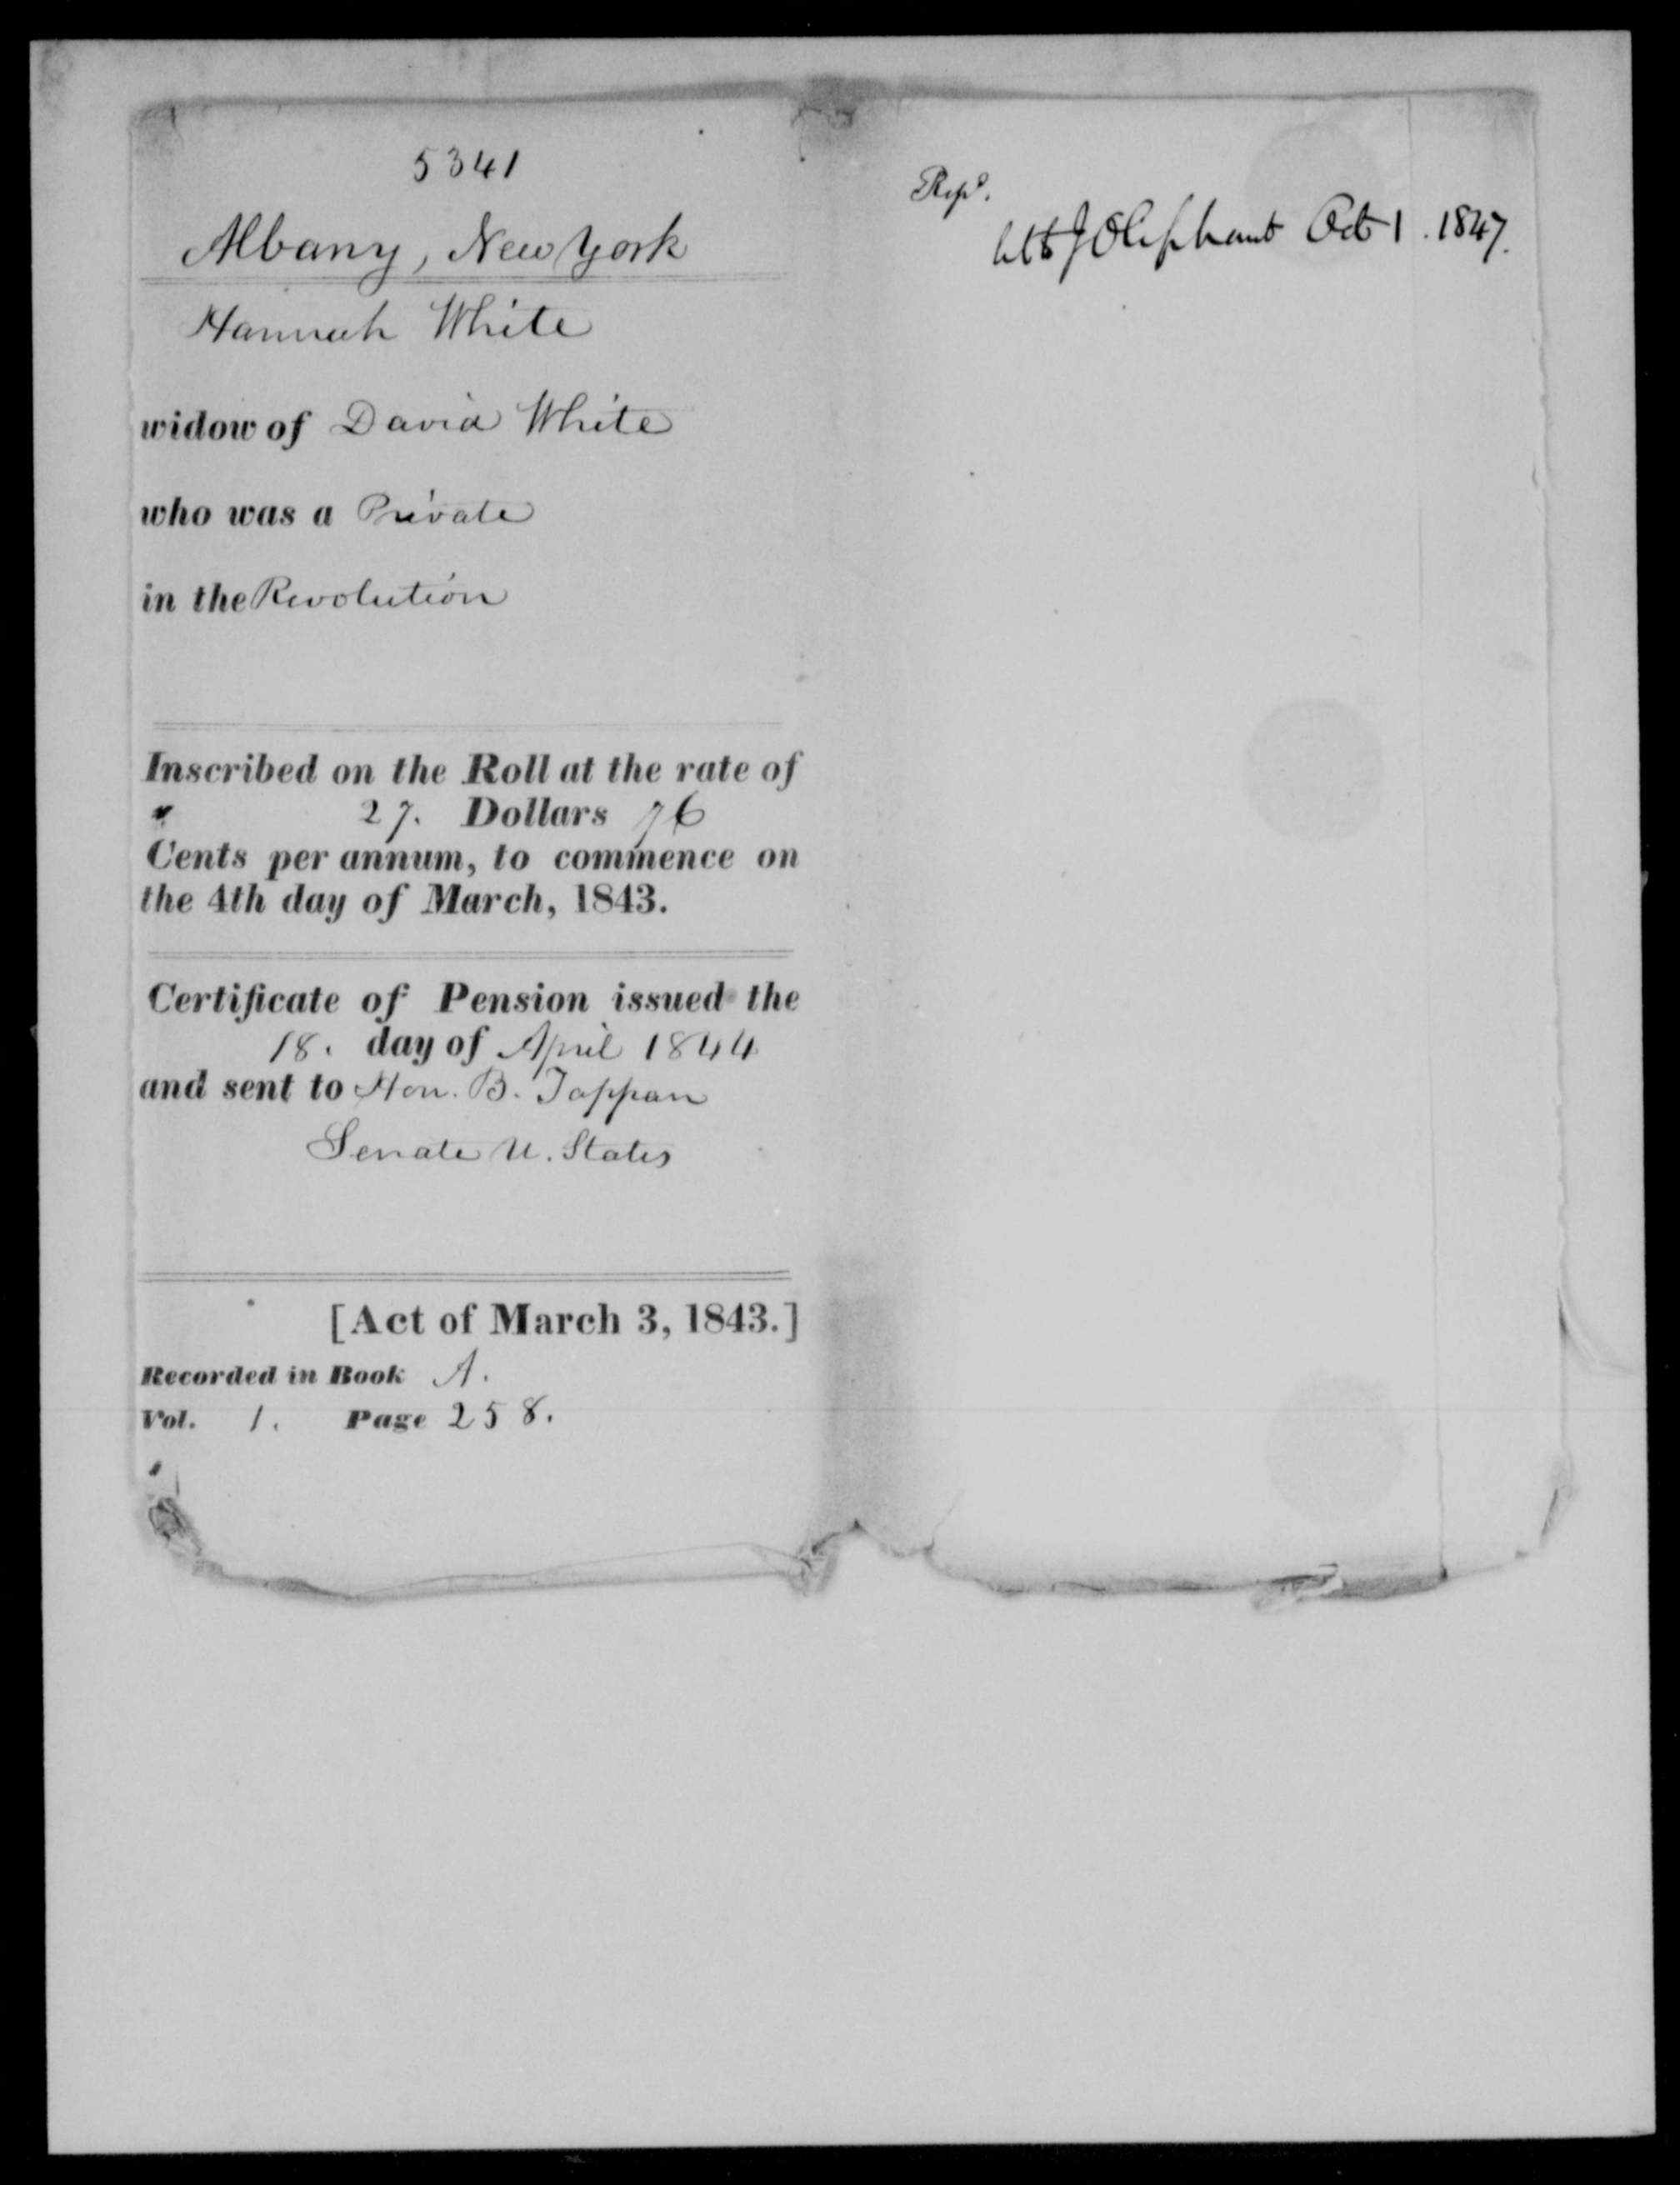5341

Albany, New York
Hannah White

Widow of David White who was a Private in the Revolution

Inscribed on the Roll at the rate of 27 Dollars 76 Cents per annum, to commence on the 4th day of March, 1843.

Certificate of Pension issued the 18 day of April 1844 and sent to Hon. B. Tappan Senate U. States

[Act of March 3, 1843]

Recorded in Book A.
Vol. 1. Page 258

Repd. to J Oliphant Oct 1, 1847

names: Hannah White, J Oliphant, David White, B Tappan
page: 44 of 63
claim: widow's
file: W. 18403, David White, Conn.